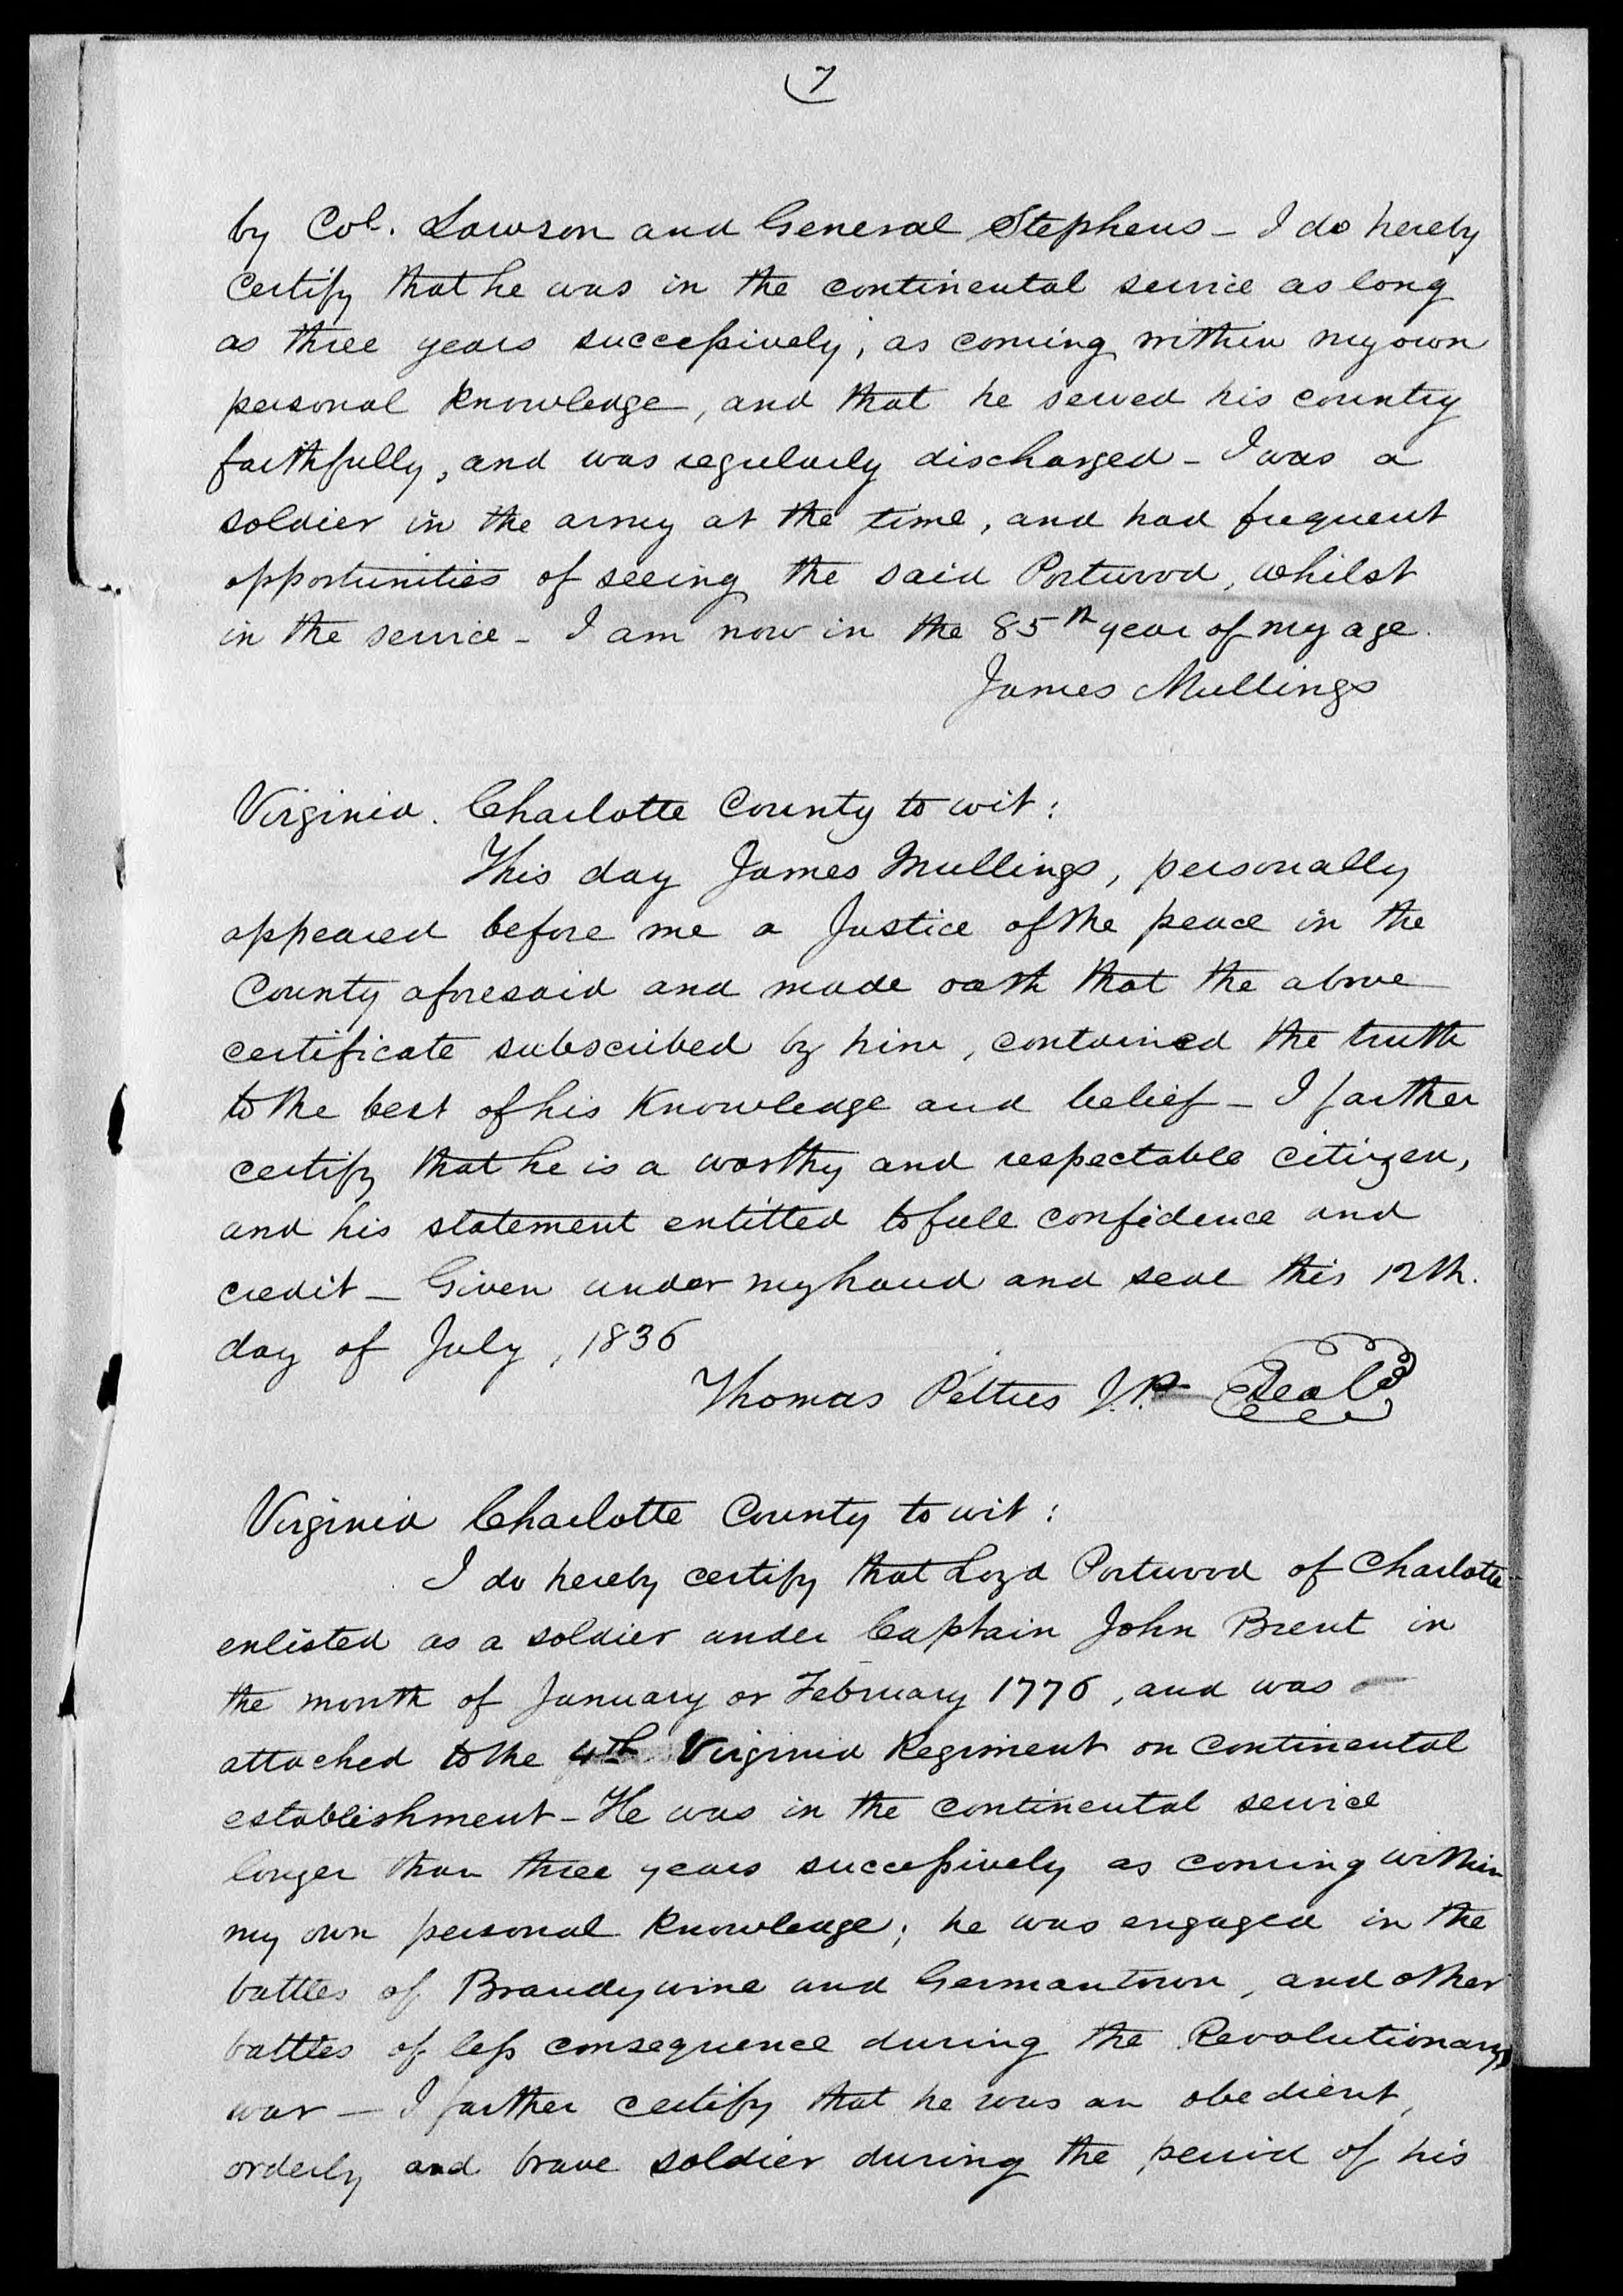7
by Col. Lawson and General Stephens _ I do hereby
certify that he was in the continental service as long
as three years successively, as coming within my own
personal knowledge, and that he served his country
faithfully, and was regularly discharged. I was a
soldier in the army at the time, and had frequent
opportunities of seeing the said Portwood, whilst
in the service. I am now in the 85th year of my age.
| James Mullings
Virginia Charlotte County to wit:
This day James Mullings, personally
appeared before me a Justice of the peace in the
County aforesaid and made oath that the above
certificate subscribed by him, contained the truth
to the best of his knowledge and belief_ I farther
certify that he is a worthy and respectable citizen,
and his statement entitled to full confidence and
credit_ Given under my hand and seal this 12th
day of July, 1836
| Thomas Pettus J.P. Seal
Virginia Charlotte County to wit:
I do hereby certify that Loyd Portwood of Charlotte
enlisted as a soldier under Captain John Brent in
the month of January or February 1776, and was
attached to the 4th Virginia Regiment on continental
establishment_ He was in the continental service
longer than three years successively as coming within ┃
my own personal knowledge; he was engaged in the
battles of Brandywine and Germantown, and other ┃
battles of less consequence during the Revolutionary
war __  I further certify that he was an obedient,
orderly and brave soldier during the period of his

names: [BLANK] Portwood; Thomas Pettus; Loyd Portwood; [BLANK] Stephens; John Brent; [BLANK] Lawson; James Mullings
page: 48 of 50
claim: widow's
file: W. 1929, for Lloyd Portwood, Virginia